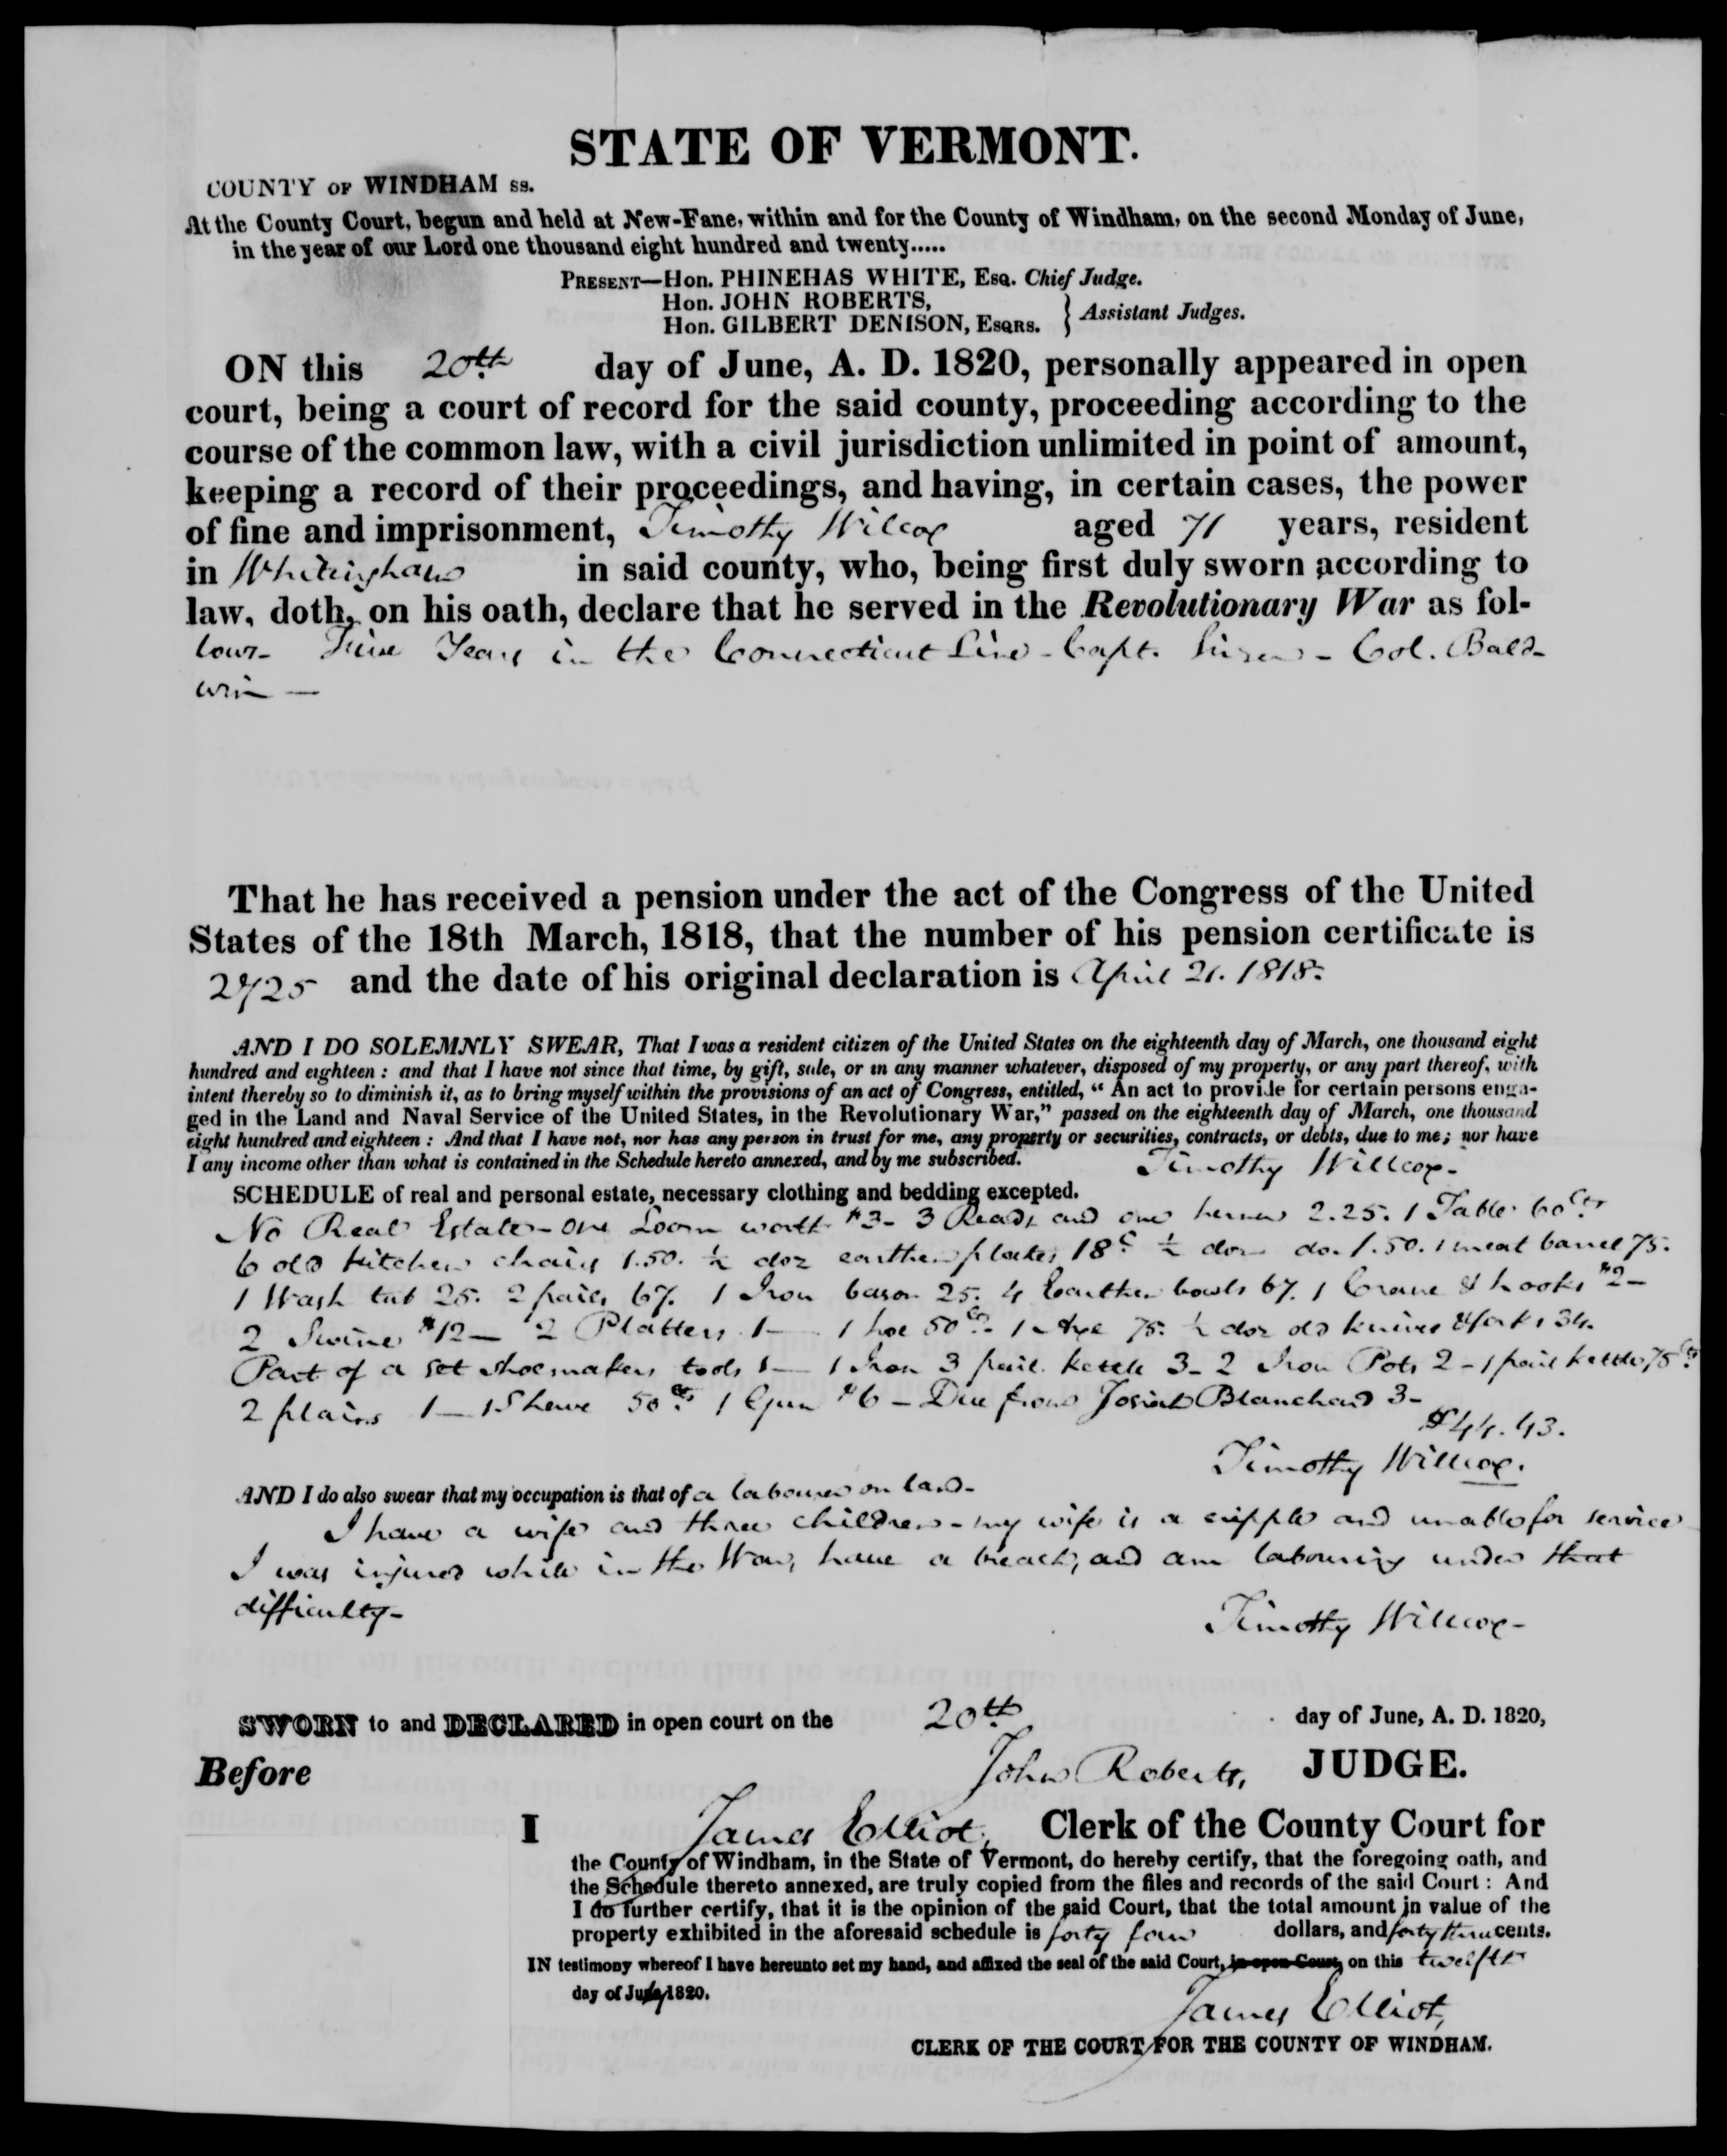STATE OF VERMONT.
COUNTY OF WINDHAM ss.
At the County Court, begun and held at Newfane, within and for the County of Windham, on the second Monday of June,
in the year of our Lord one thousand eight hundred and twenty-
PRESENT -- Hon. PHINEHAS WHITE, Esq. Chief Judge.
Hon. JOHN ROBERTS,
Hon. GILBERT DENISON, ESARS. Assistant Judges

On this 20th
day of June, A. D. 1820, personally appeared in open
court, being a court of record for the said county, proceeding according to the
course of the common law, with a civil jurisdiction unlimited in point of amount,
keeping a record of their proceedings, and having, in certain cases, the power
of fine and imprisonment, Timothy Wilcox
aged 71 years, resident
in Whitingham
in said county, who, being first duly sworn according to
law, doth, on his oath, declare that he served in the Revolutionary War as follows
. Five years in the Connecticut Line Capt [illegible]  in Col. Baldwin
Before
day of July 1820.

That he has received a pension under the act of the Congress of the United States
of the 18th March, 1818, that the number of his pension certificate is
2725 and the date of his original declaration is Sie 21. 1818.

AND I DO SOLEMNLY SWEAR, That I was a resident citizen of the United States on the eighteenth day of March, one thousand eight
hundred and eighteen; and that I have not since that time, by gift, sale, or in any manner whatever, disposed of my property, or any part thereof, with
intent thereby so to diminish it, as to bring myself within the provisions of an act of Congress, entitled, ""An act to provide for certain persons engaged
in the Land and Naval Service of the United States, in the Revolutionary War,” passed on the eighteenth day of March, one thousand
eight hundred eighteen : And that I have not, nor has a persons in trust for me, any property or securities, contracts, or debs, due to me; nor have
I any income other than what is contained in the Schedule hereto annexed, and by me subscribed.
Timothy Willcox

SCHEDULE of real and personal estate, necessary clothing and bedding excepted.
No Real Estate - One Loom worth $3. Read and one (?)  2.25. 1 Table 60 ct
6 old Kitchen chain 1.50 1 doz earthen plates 18c 1/2 doz do 1.50 1 meat barrel 75.
1 Wash tub 25, 2 pail 67. 1 Iron Cason 25. 4 Earthen bowls 67. 1 Corane & hooks
$2  2 Swine $12 - 2 Platters 1- 1 hoe 50ct 1 Axe 75 1/2 dpz old knives & for 34
Part of a Lot Shoemaker tools 1- 1 Iron 3 pail Kettle 3-2 Iron Pots - 1 pail 25th
2 plains 1- 18 have 50 1 Gun & Due from Joseph Blanchard -
Timothy Willcox

AND I do also swear that my occupation tis that of a labourer on land.
I have a wife and three children, my wife is a cripple and unable for service
I was injured while in the War, have a breach, and am laboring under that
difficulty
Timothy Willcox

SWORN to and DECLARED in open court on the
20th
day of June, A. D. 1820,
Before John Roberts JUDGE.

I James Elliot Clerk of the County Court for
the County of Windham, in the State of Vermont, do hereby certify, that the foregoing oath, and
the Schedule thereto annexed, are truly copied from the files and records of the said Court: And
I do further certify, that it is the opinion of the said Court, that the total amount in value of the
property exhibited in the aforesaid schedule is forty four
dollars, and forty three cents.

IN testimony whereof I have hereunto set my hand, and affixed the seal of the said Court, County on this twelfth day of July 1820.
James Elliot
CLERK OF THE COURT FOR THE COUNTY OF WINDHAM.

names: Josiah Blanchard, Timothy Willcox, Seizer, James Elliot, Timothy Wilcox, Baldwin, John Roberts, Gilbert Denison, Phinehas White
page: 4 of 15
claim: survivor's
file: S. 41336, Timothy Willcox, Conn. Continental